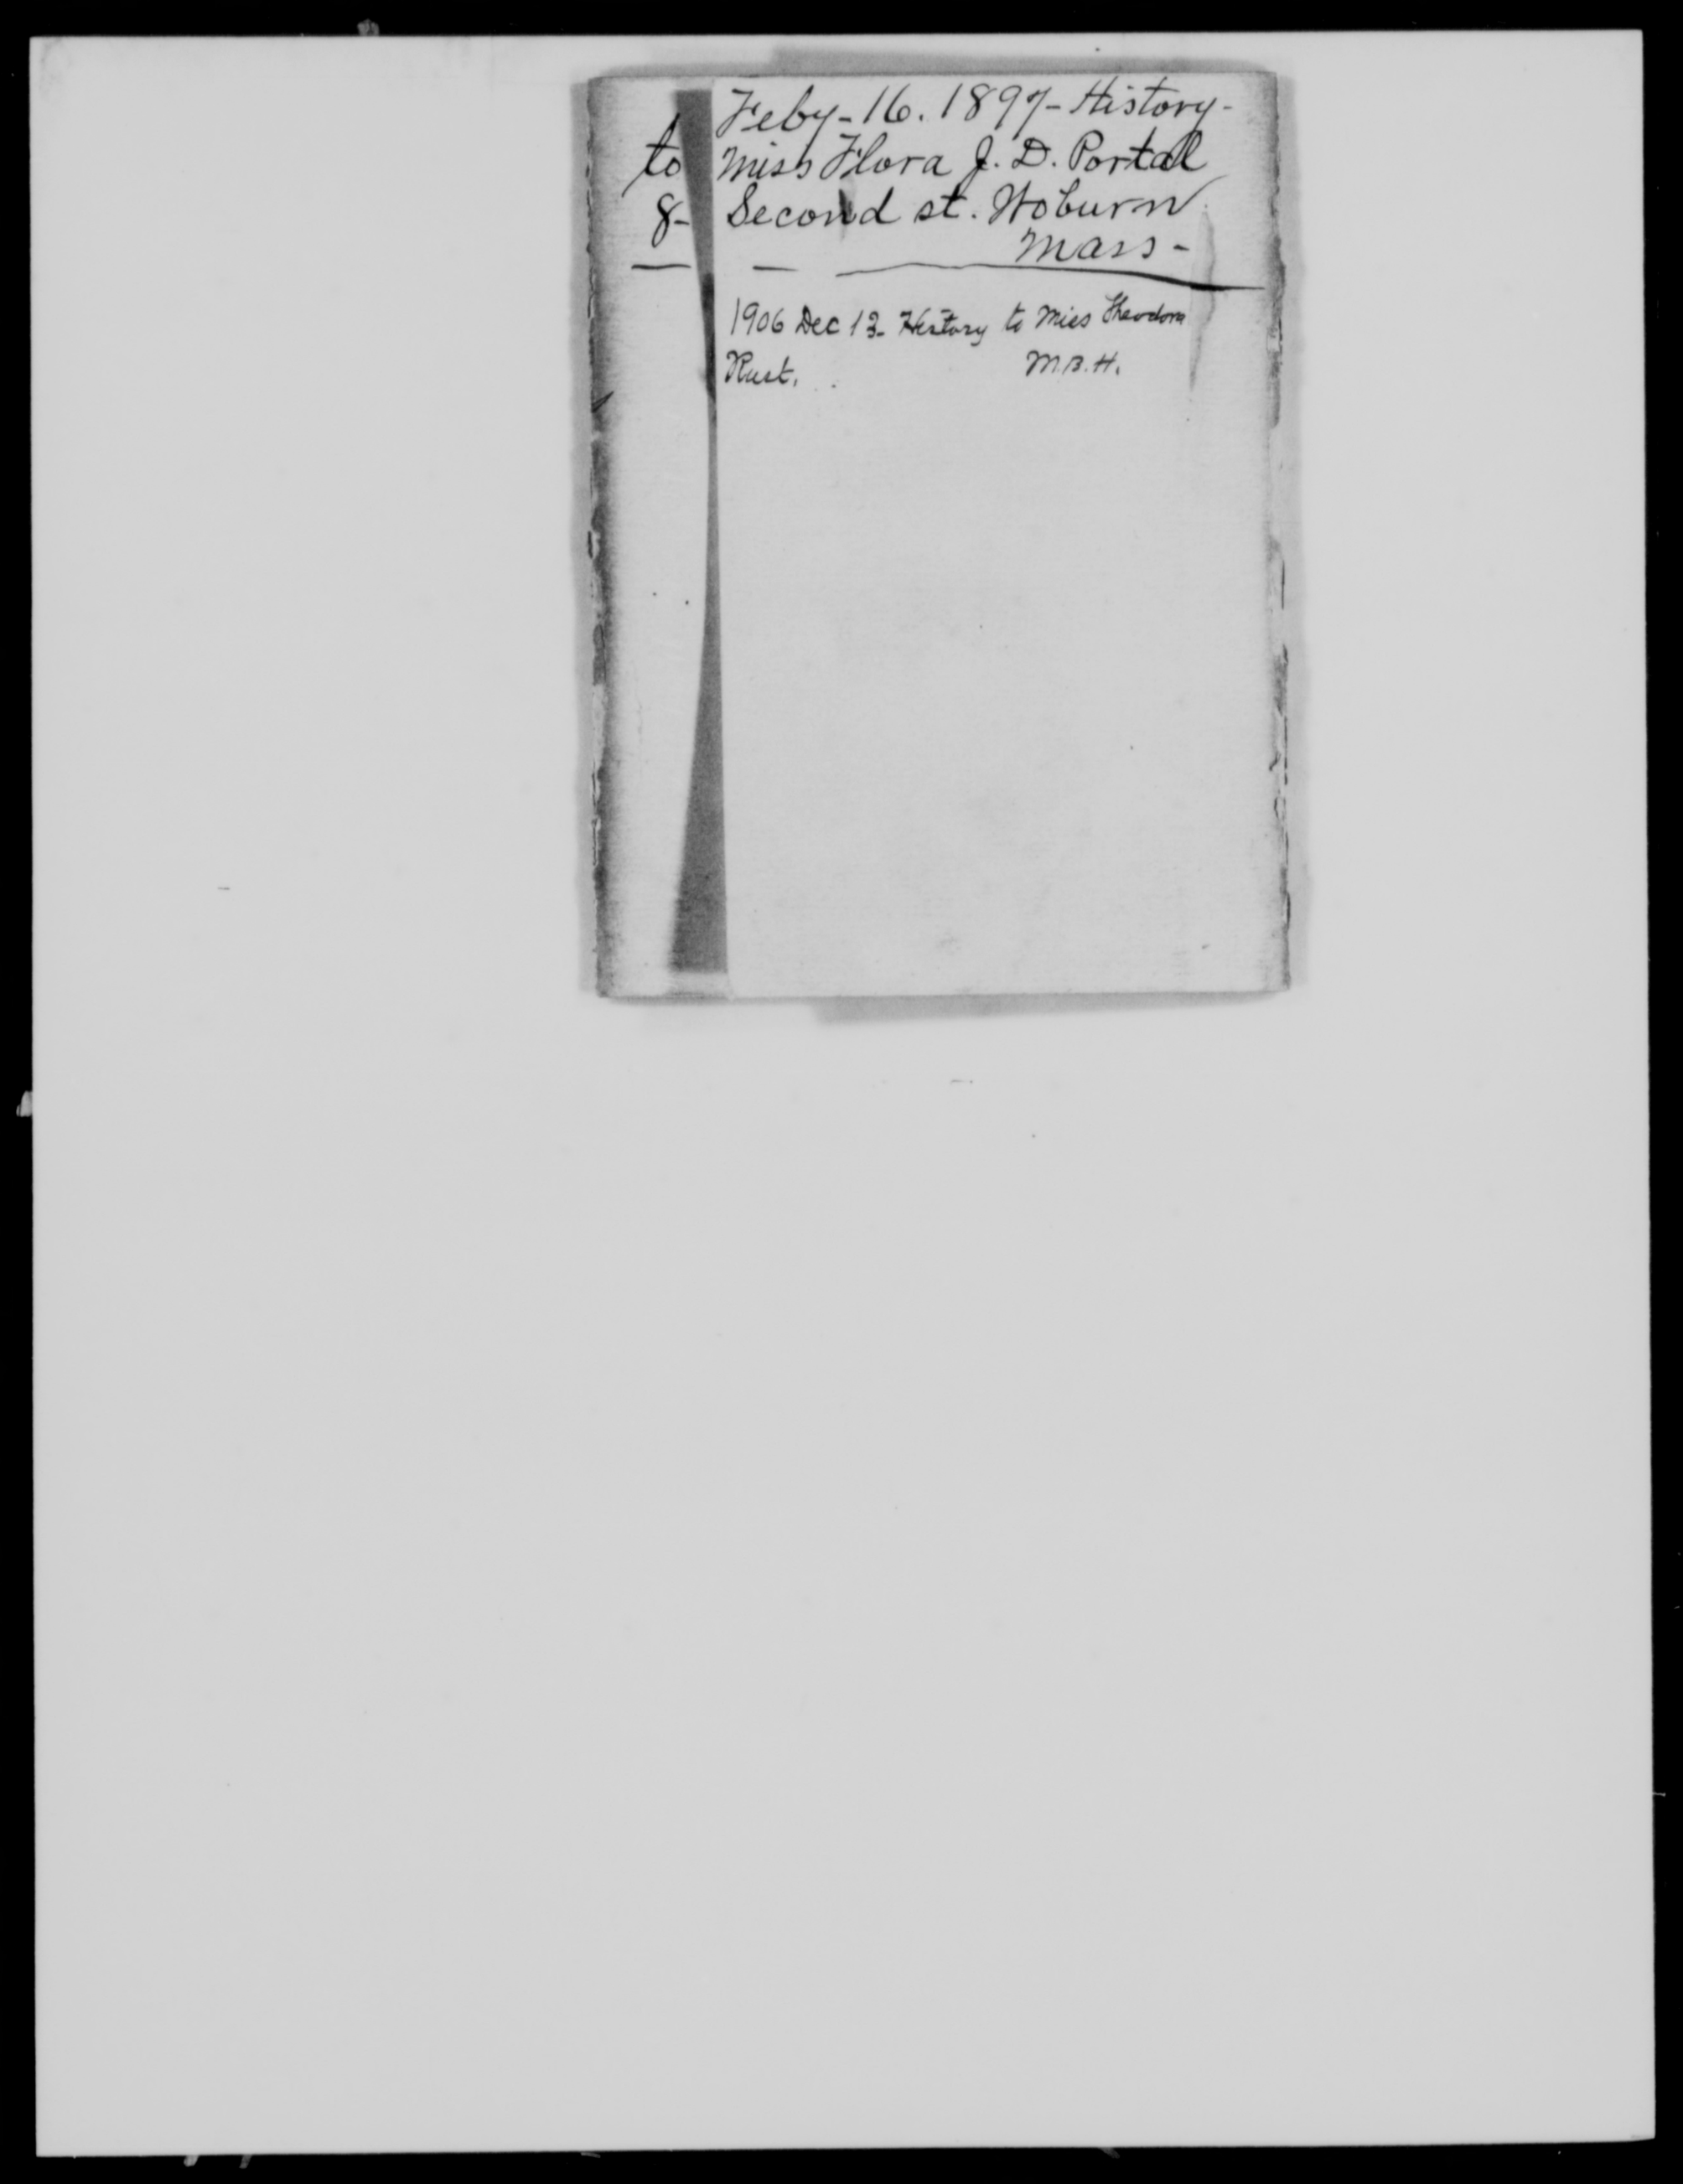Feby 16 1897 History to Miss Flora JD Portal
8 Second St Woburn Mass
1906 Dec 13 History to Miss Theodore Rust MBH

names: Flora J D Portal, Theodora Rust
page: 14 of 20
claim: survivor's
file: S. 11778, Silas Williams, Mass.